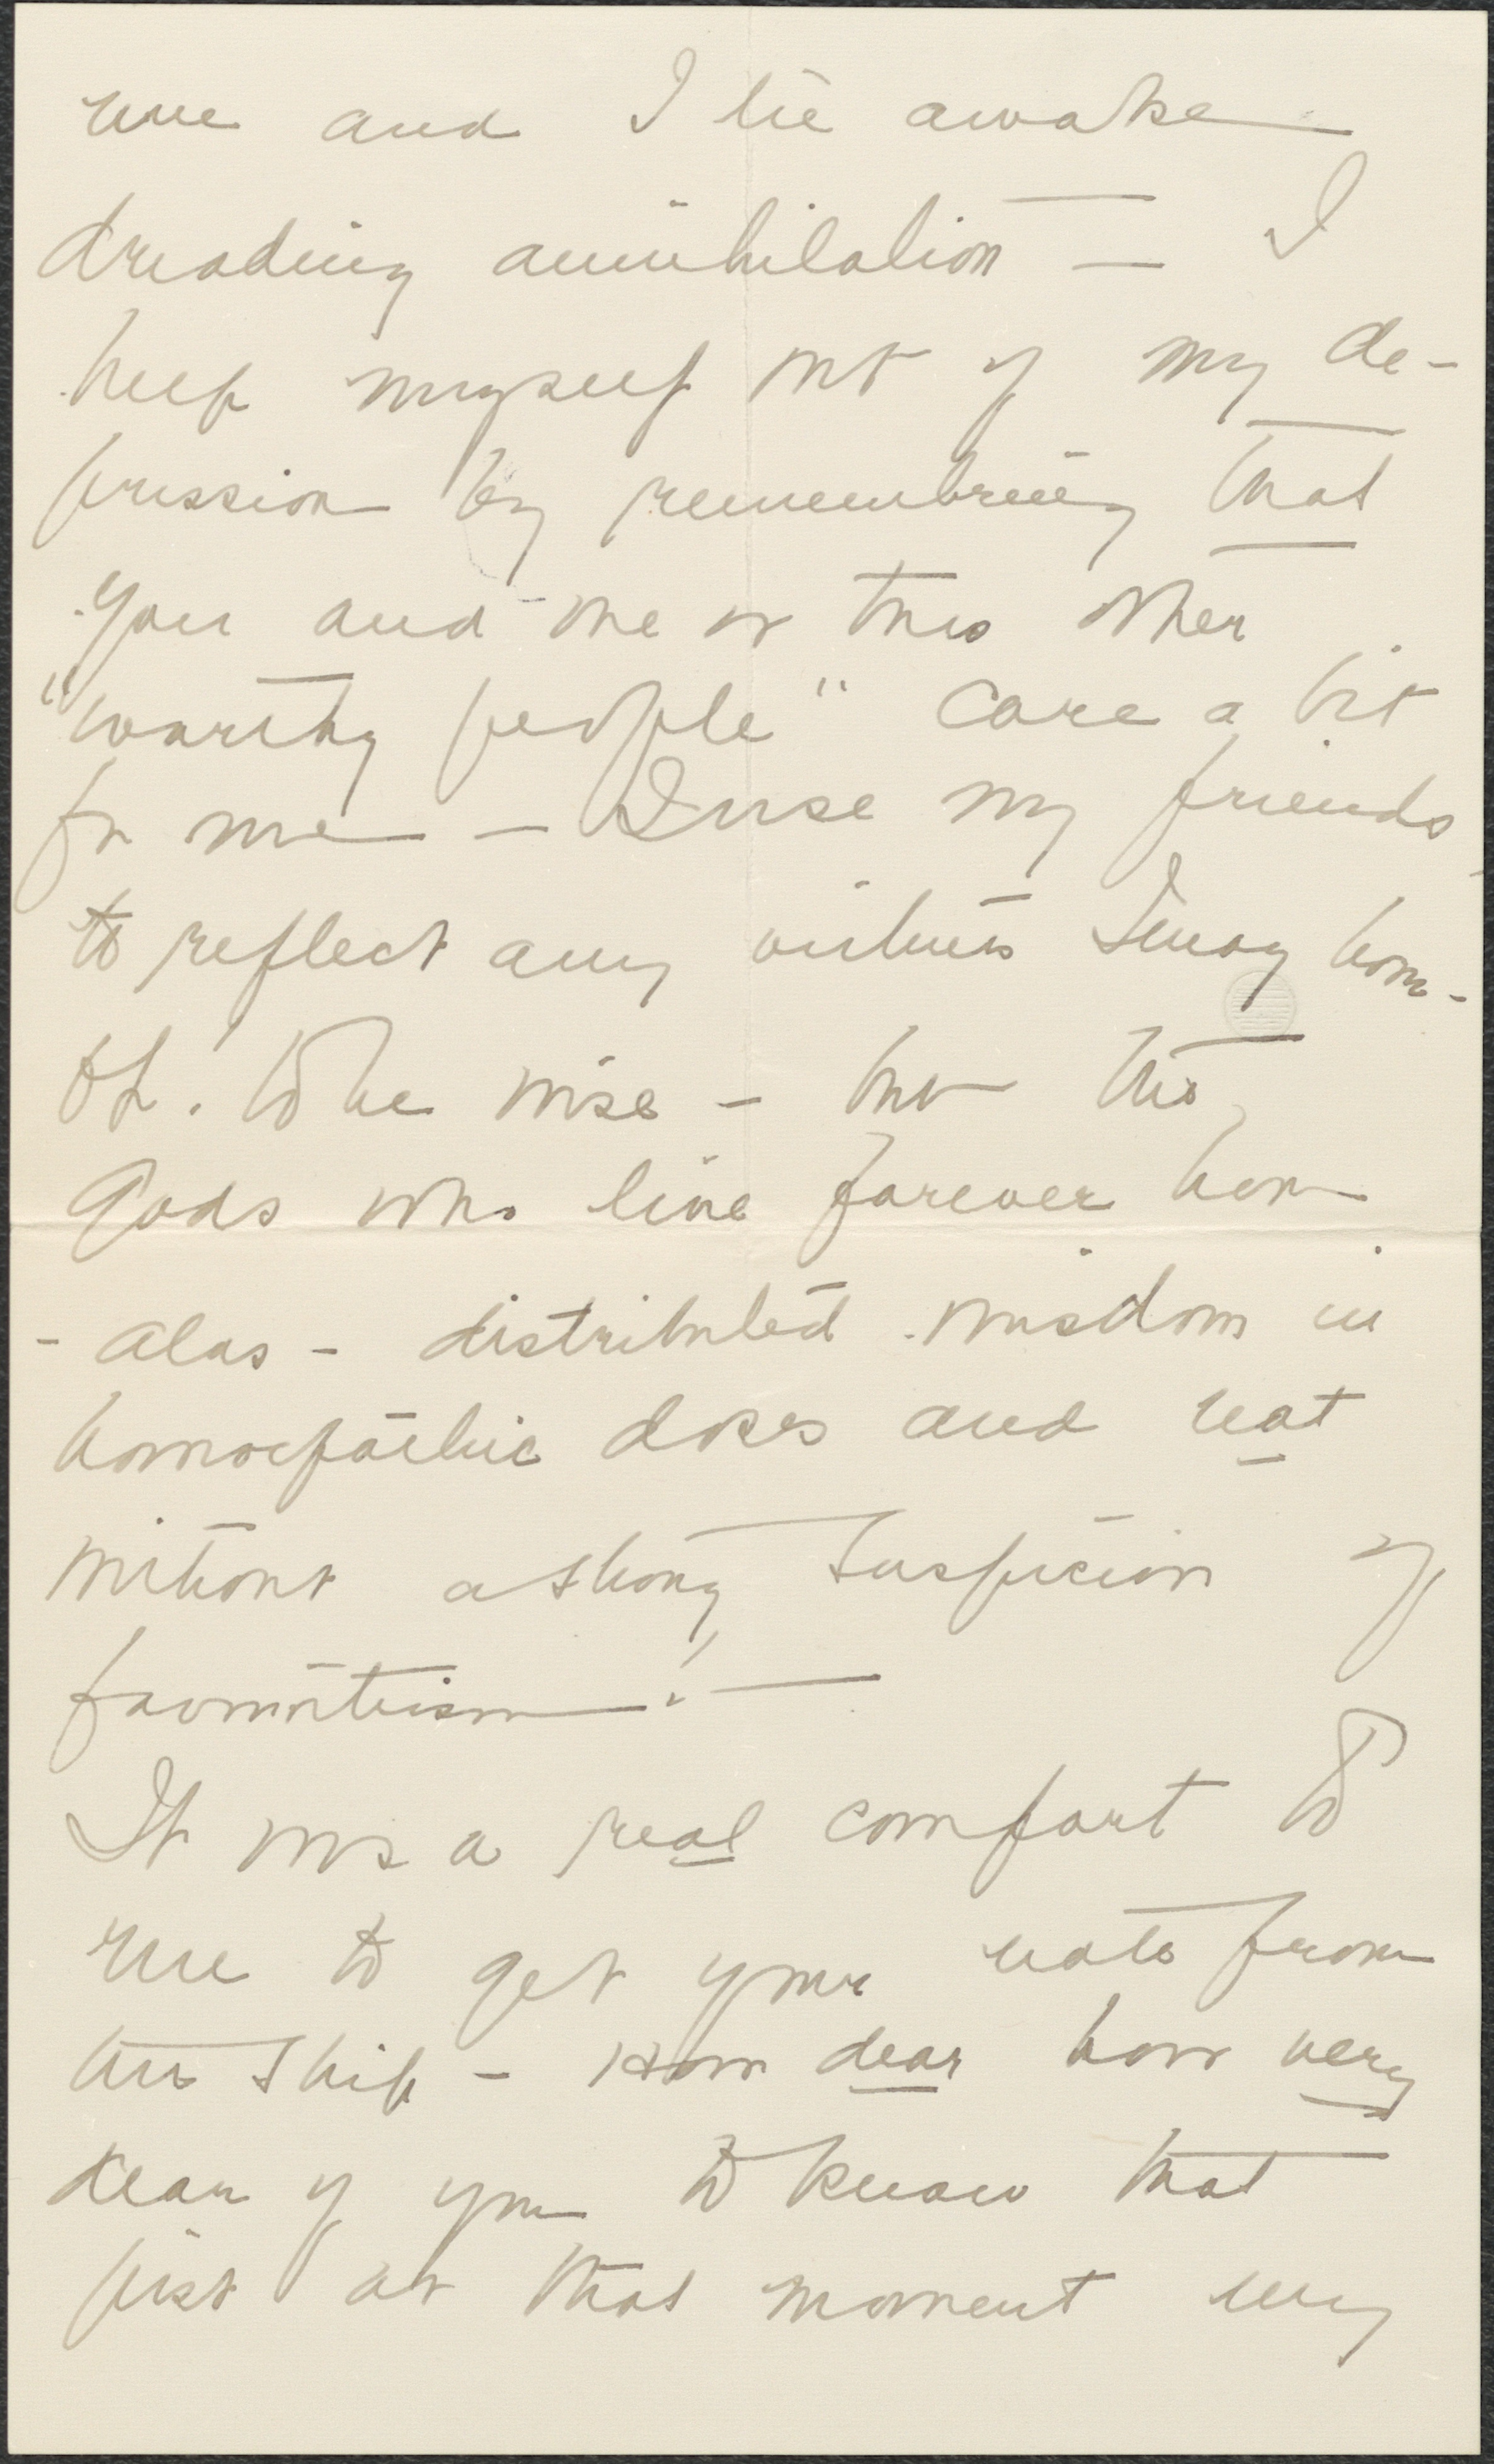me and I lie awake dreading annihilation – I keep myself out of my depression by remembering that you and one or two other “worthy people” care a bit for me – I use my friends to reflect any virtues I may have – Oh! to be wise – but the Gods who live forever have – alas – distributed wisdom in homeopathic doses and not without a strong suspicion of favouritism! –
It was a real comfort to me to get your note from the ship – How dear how very dear of you to know that just at that moment my